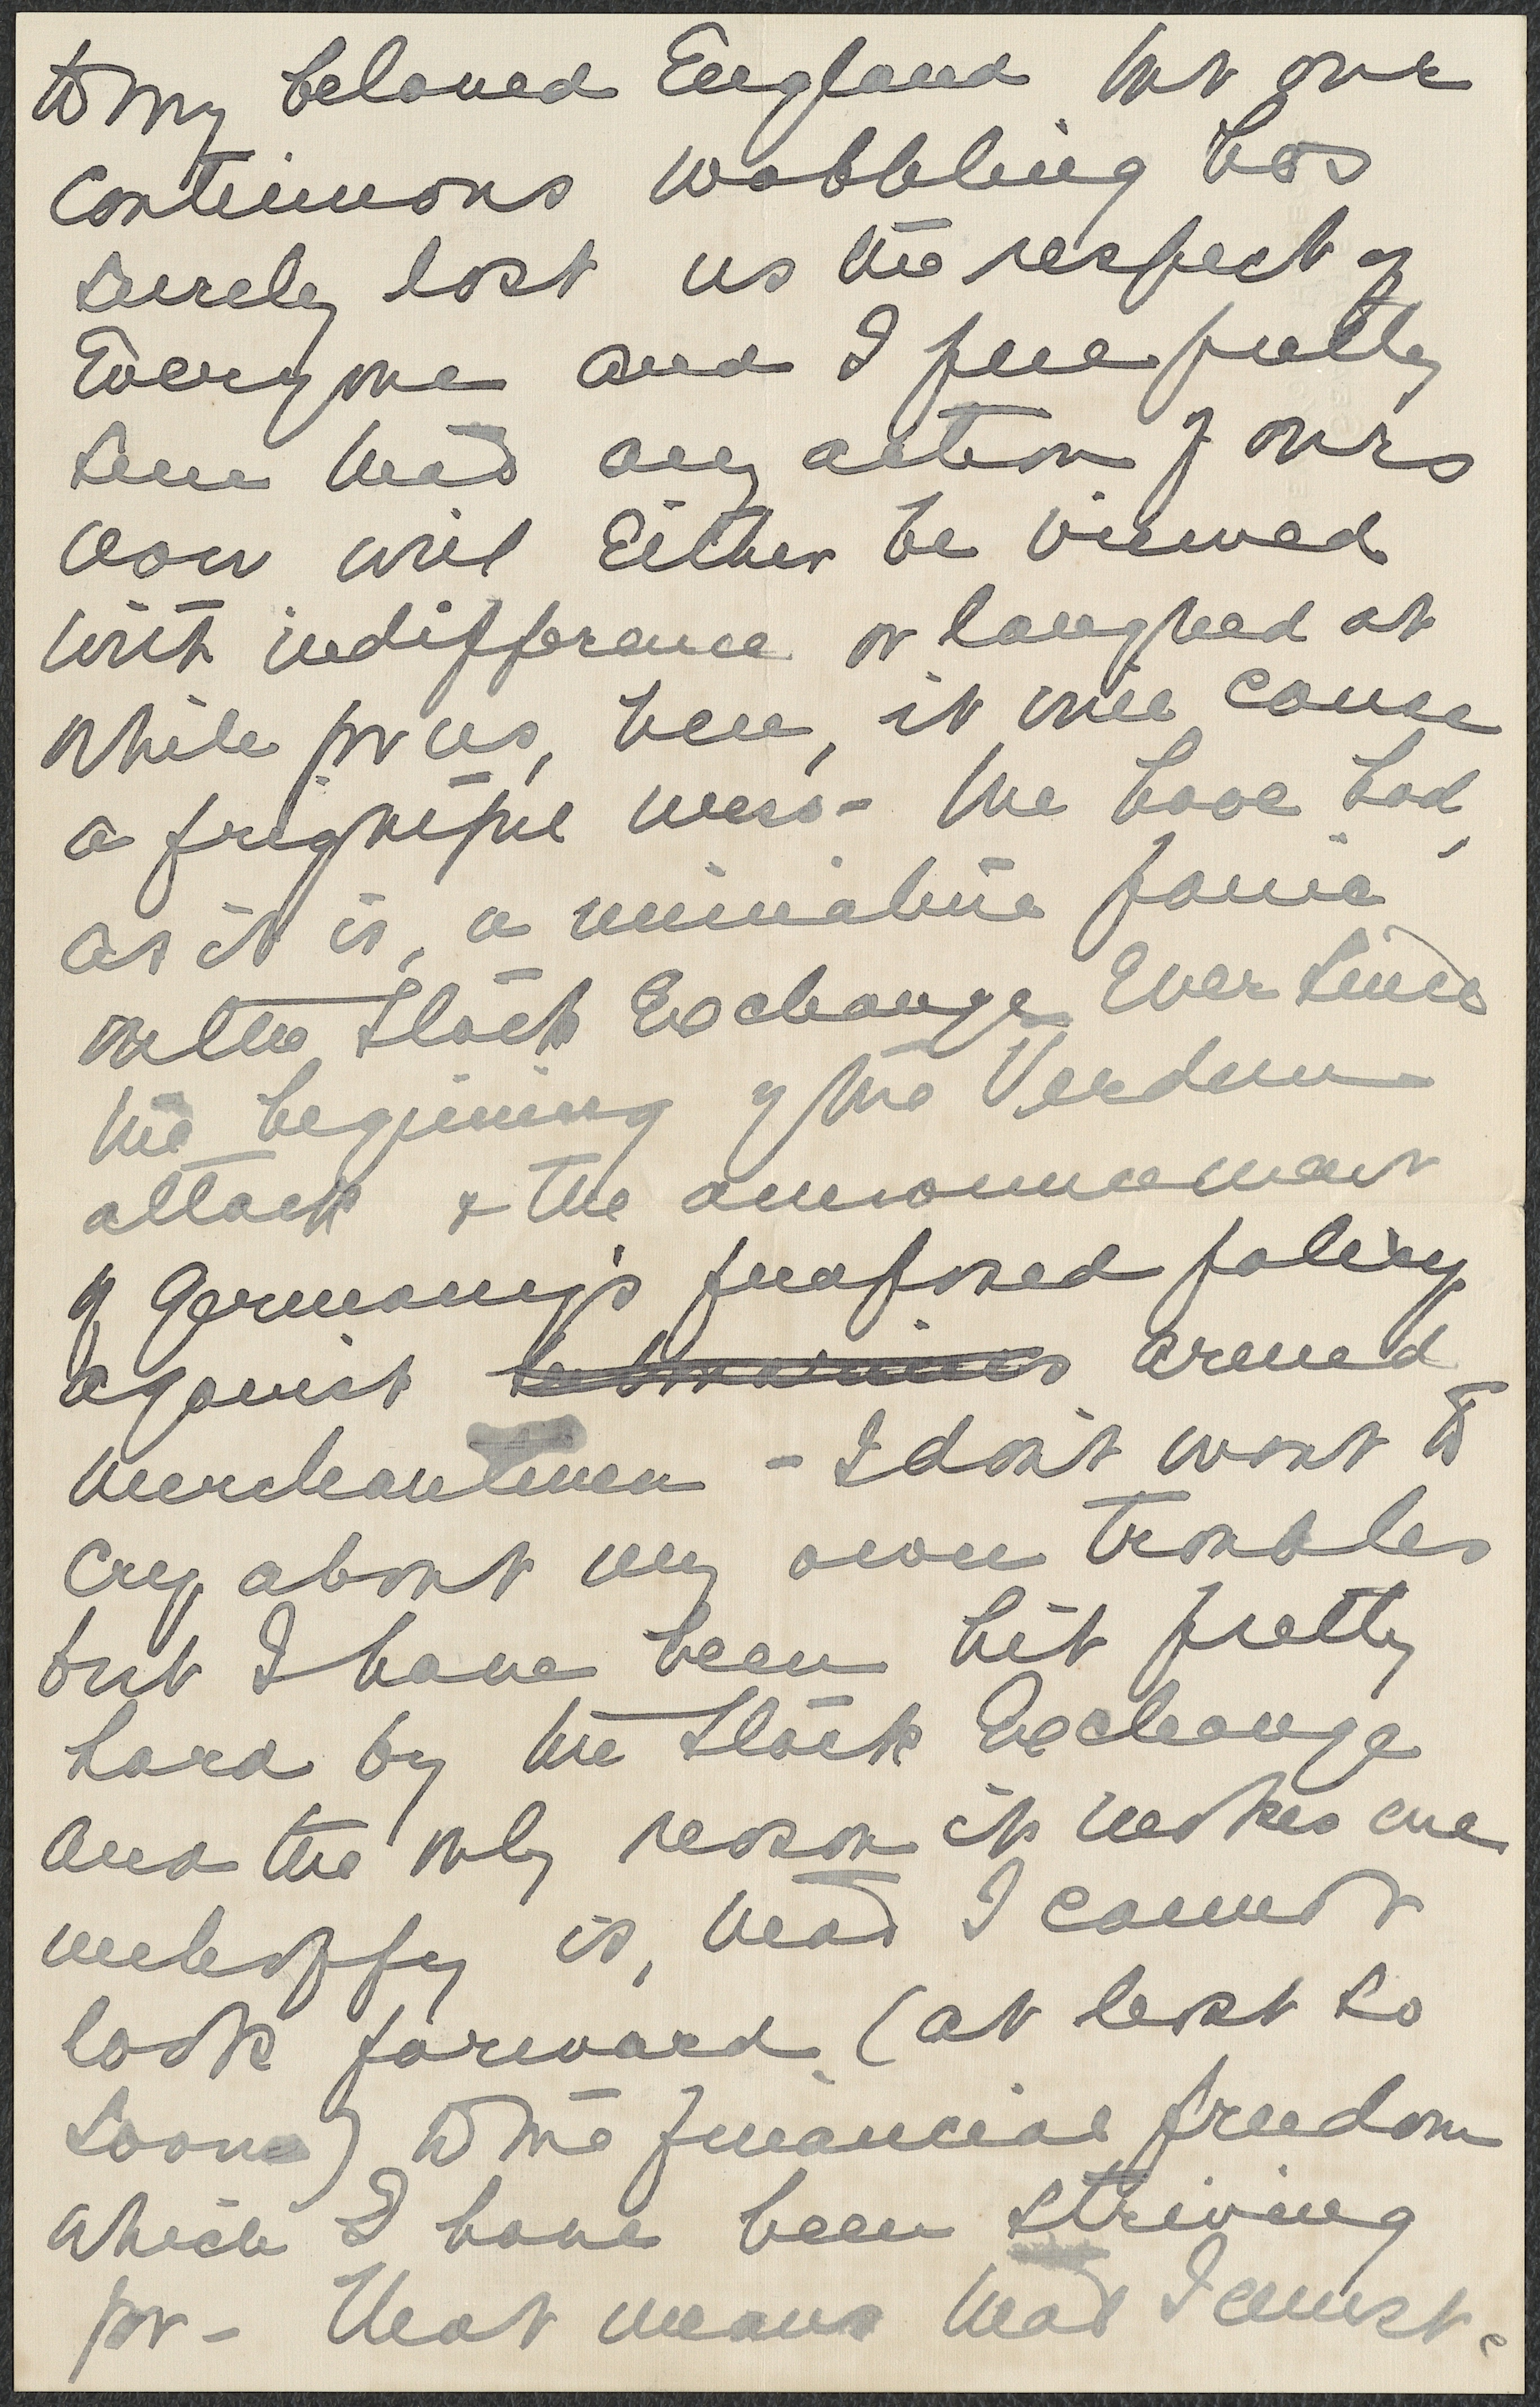to my beloved England but our continuous wobbling has surely lost us the respect of everyone and I feel pretty sure that any action of ours now will either be viewed with indifference or laughed at while for us, here, it will cause a frightful mess – We have had, as it is, a miniature panic in the Stock Exchange ever since the beginning of the Verdun attack & the announcement of Germany's proposed policy against submarines armed merchantmen – I don't want to cry about my own troubles but I have been hit pretty hard by the Stock Exchange and the only reason it makes me unhappy is, that I cannot look forward (at least so soon) to the financial freedom which I have been striving for – That means that I must